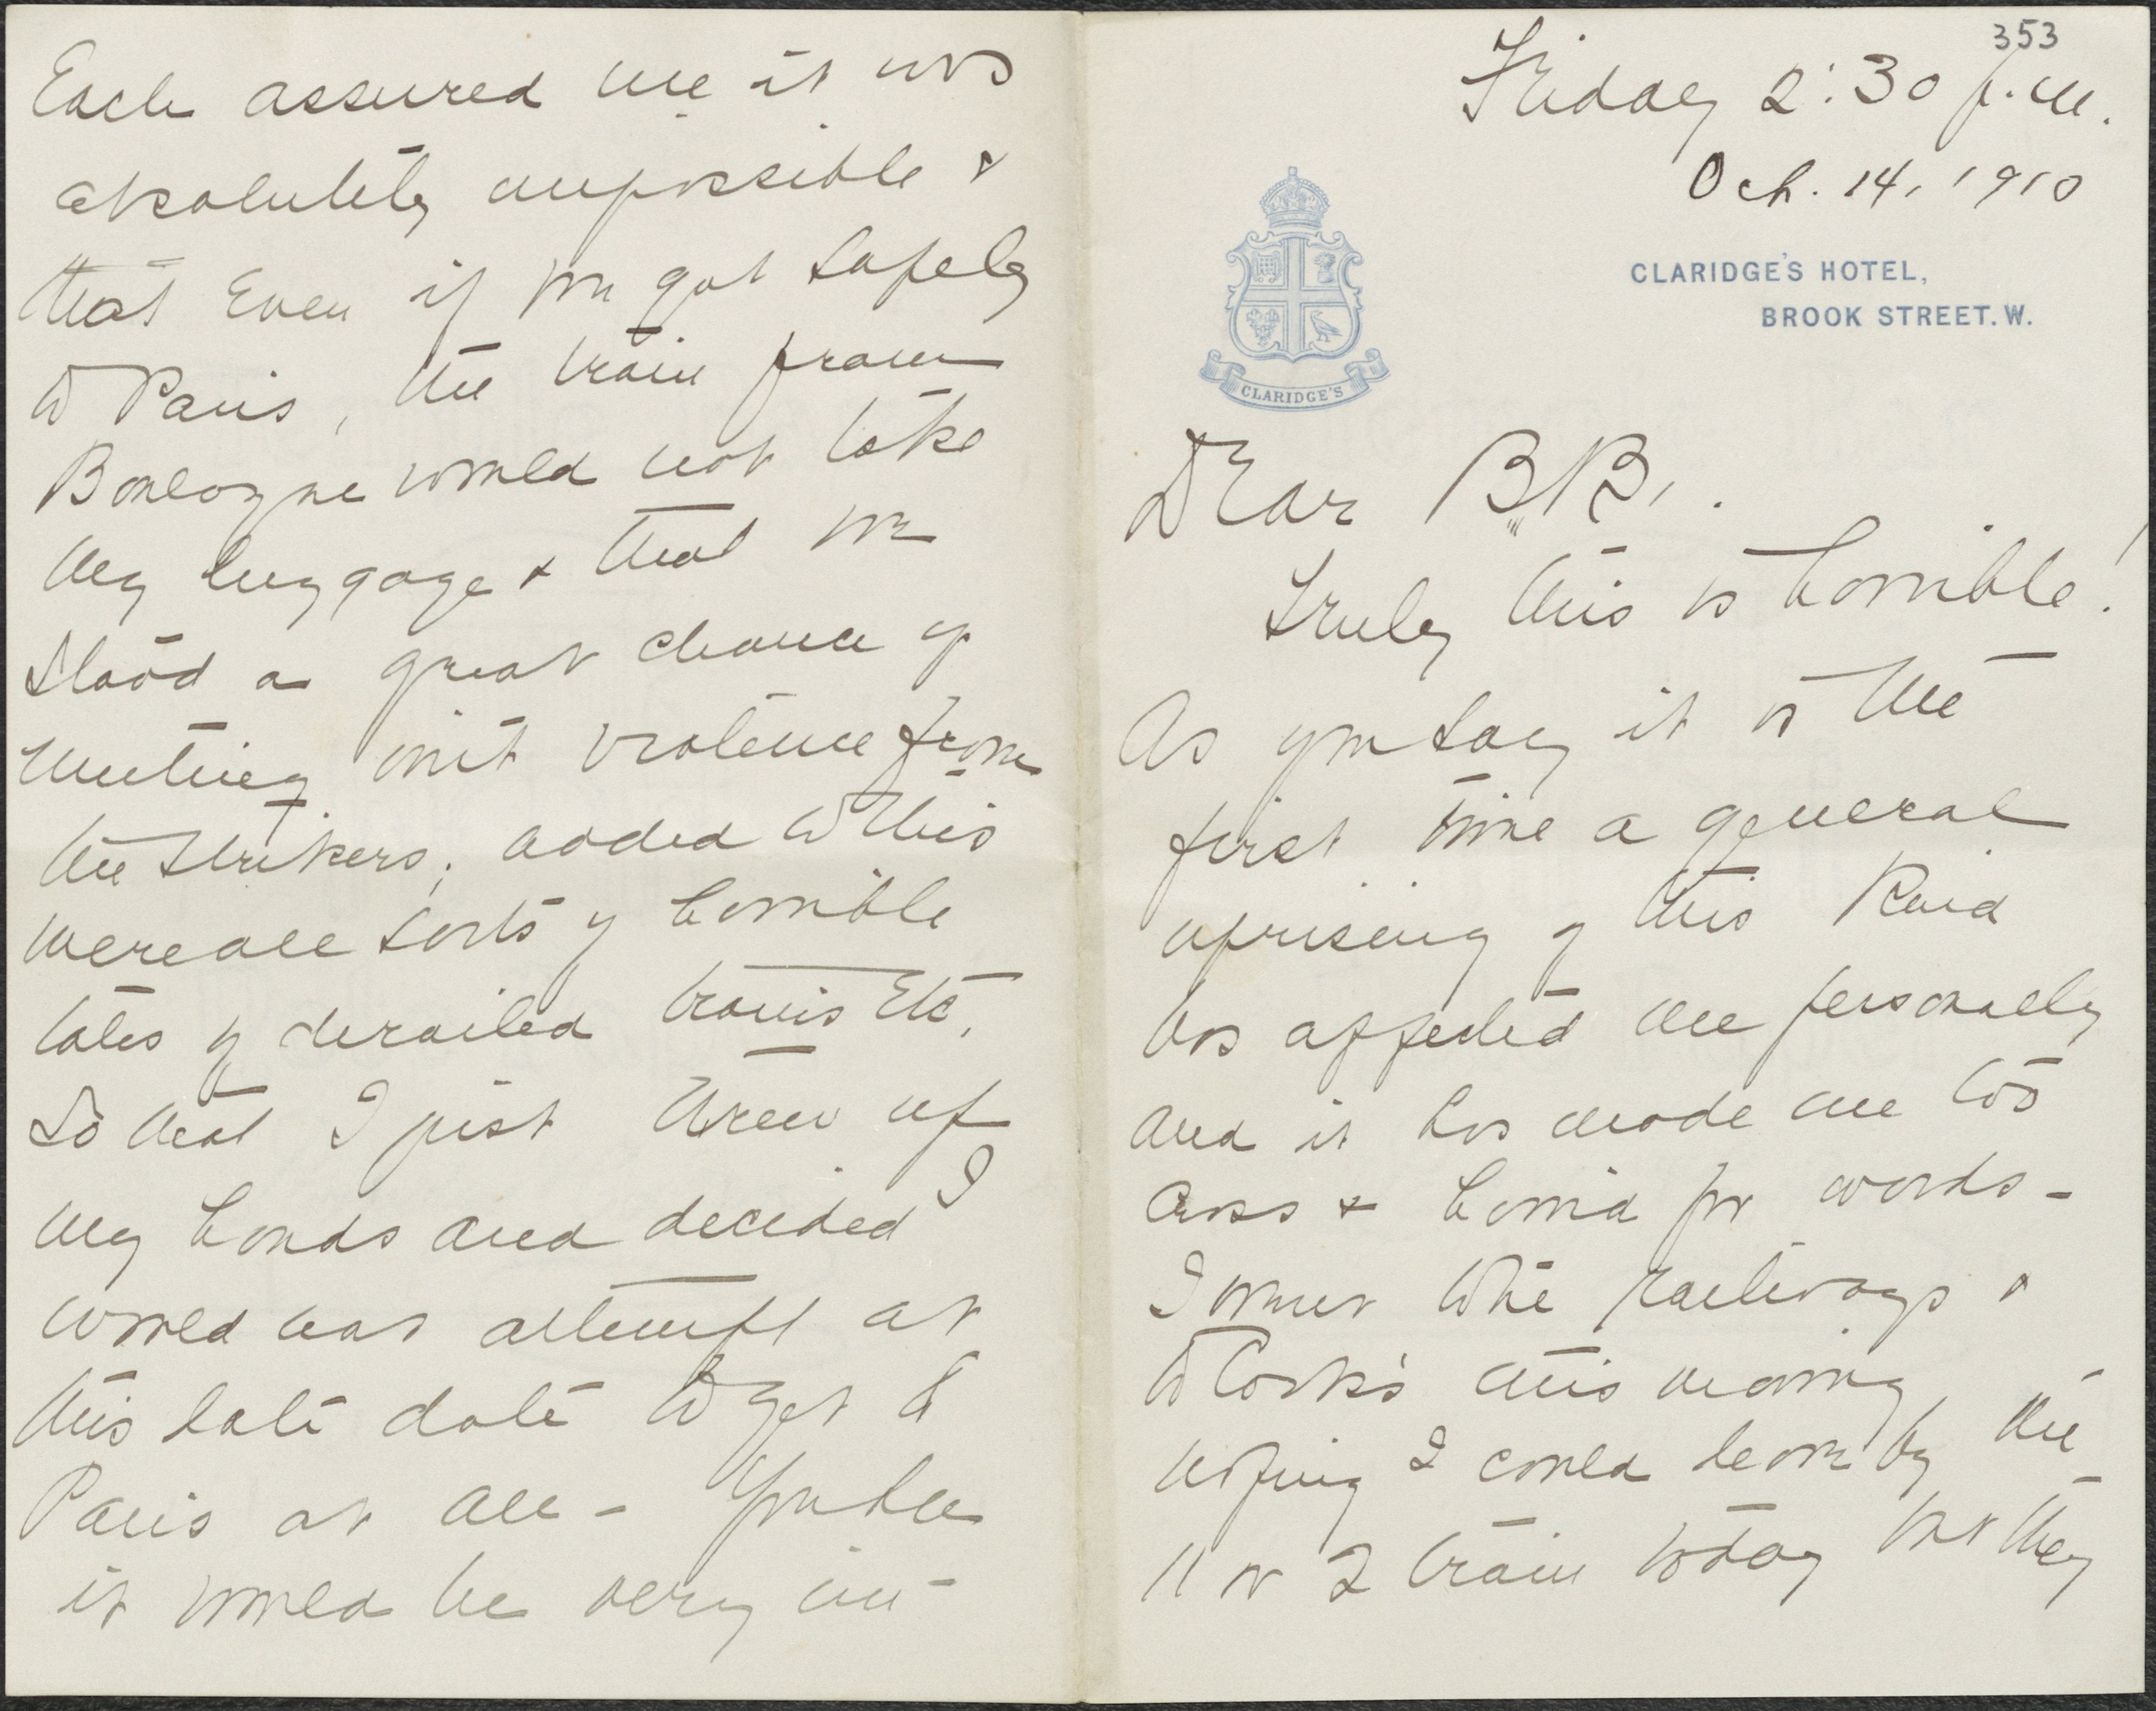Friday 2:30 p.m.
Dear B. B..
Truly this is horrible! As you say it is the first time a general uprising of this kind has affected me personally and it has made me too cross & horrid for words – I went to the railways & to Cook’s this morning hoping I could leave by the 11 or 2 train today but they
each assured me it was absolutely impossible & that even if we got safely to Paris, the train from Boulogne would not take my luggage & that we stood a great chance of meeting with violence from the strikers; added to this were all sorts of horrible tales of derailed trains etc. so that I just threw up my hands and decided I would not attempt at this late date to get to Paris at all – You see it would be very impractical